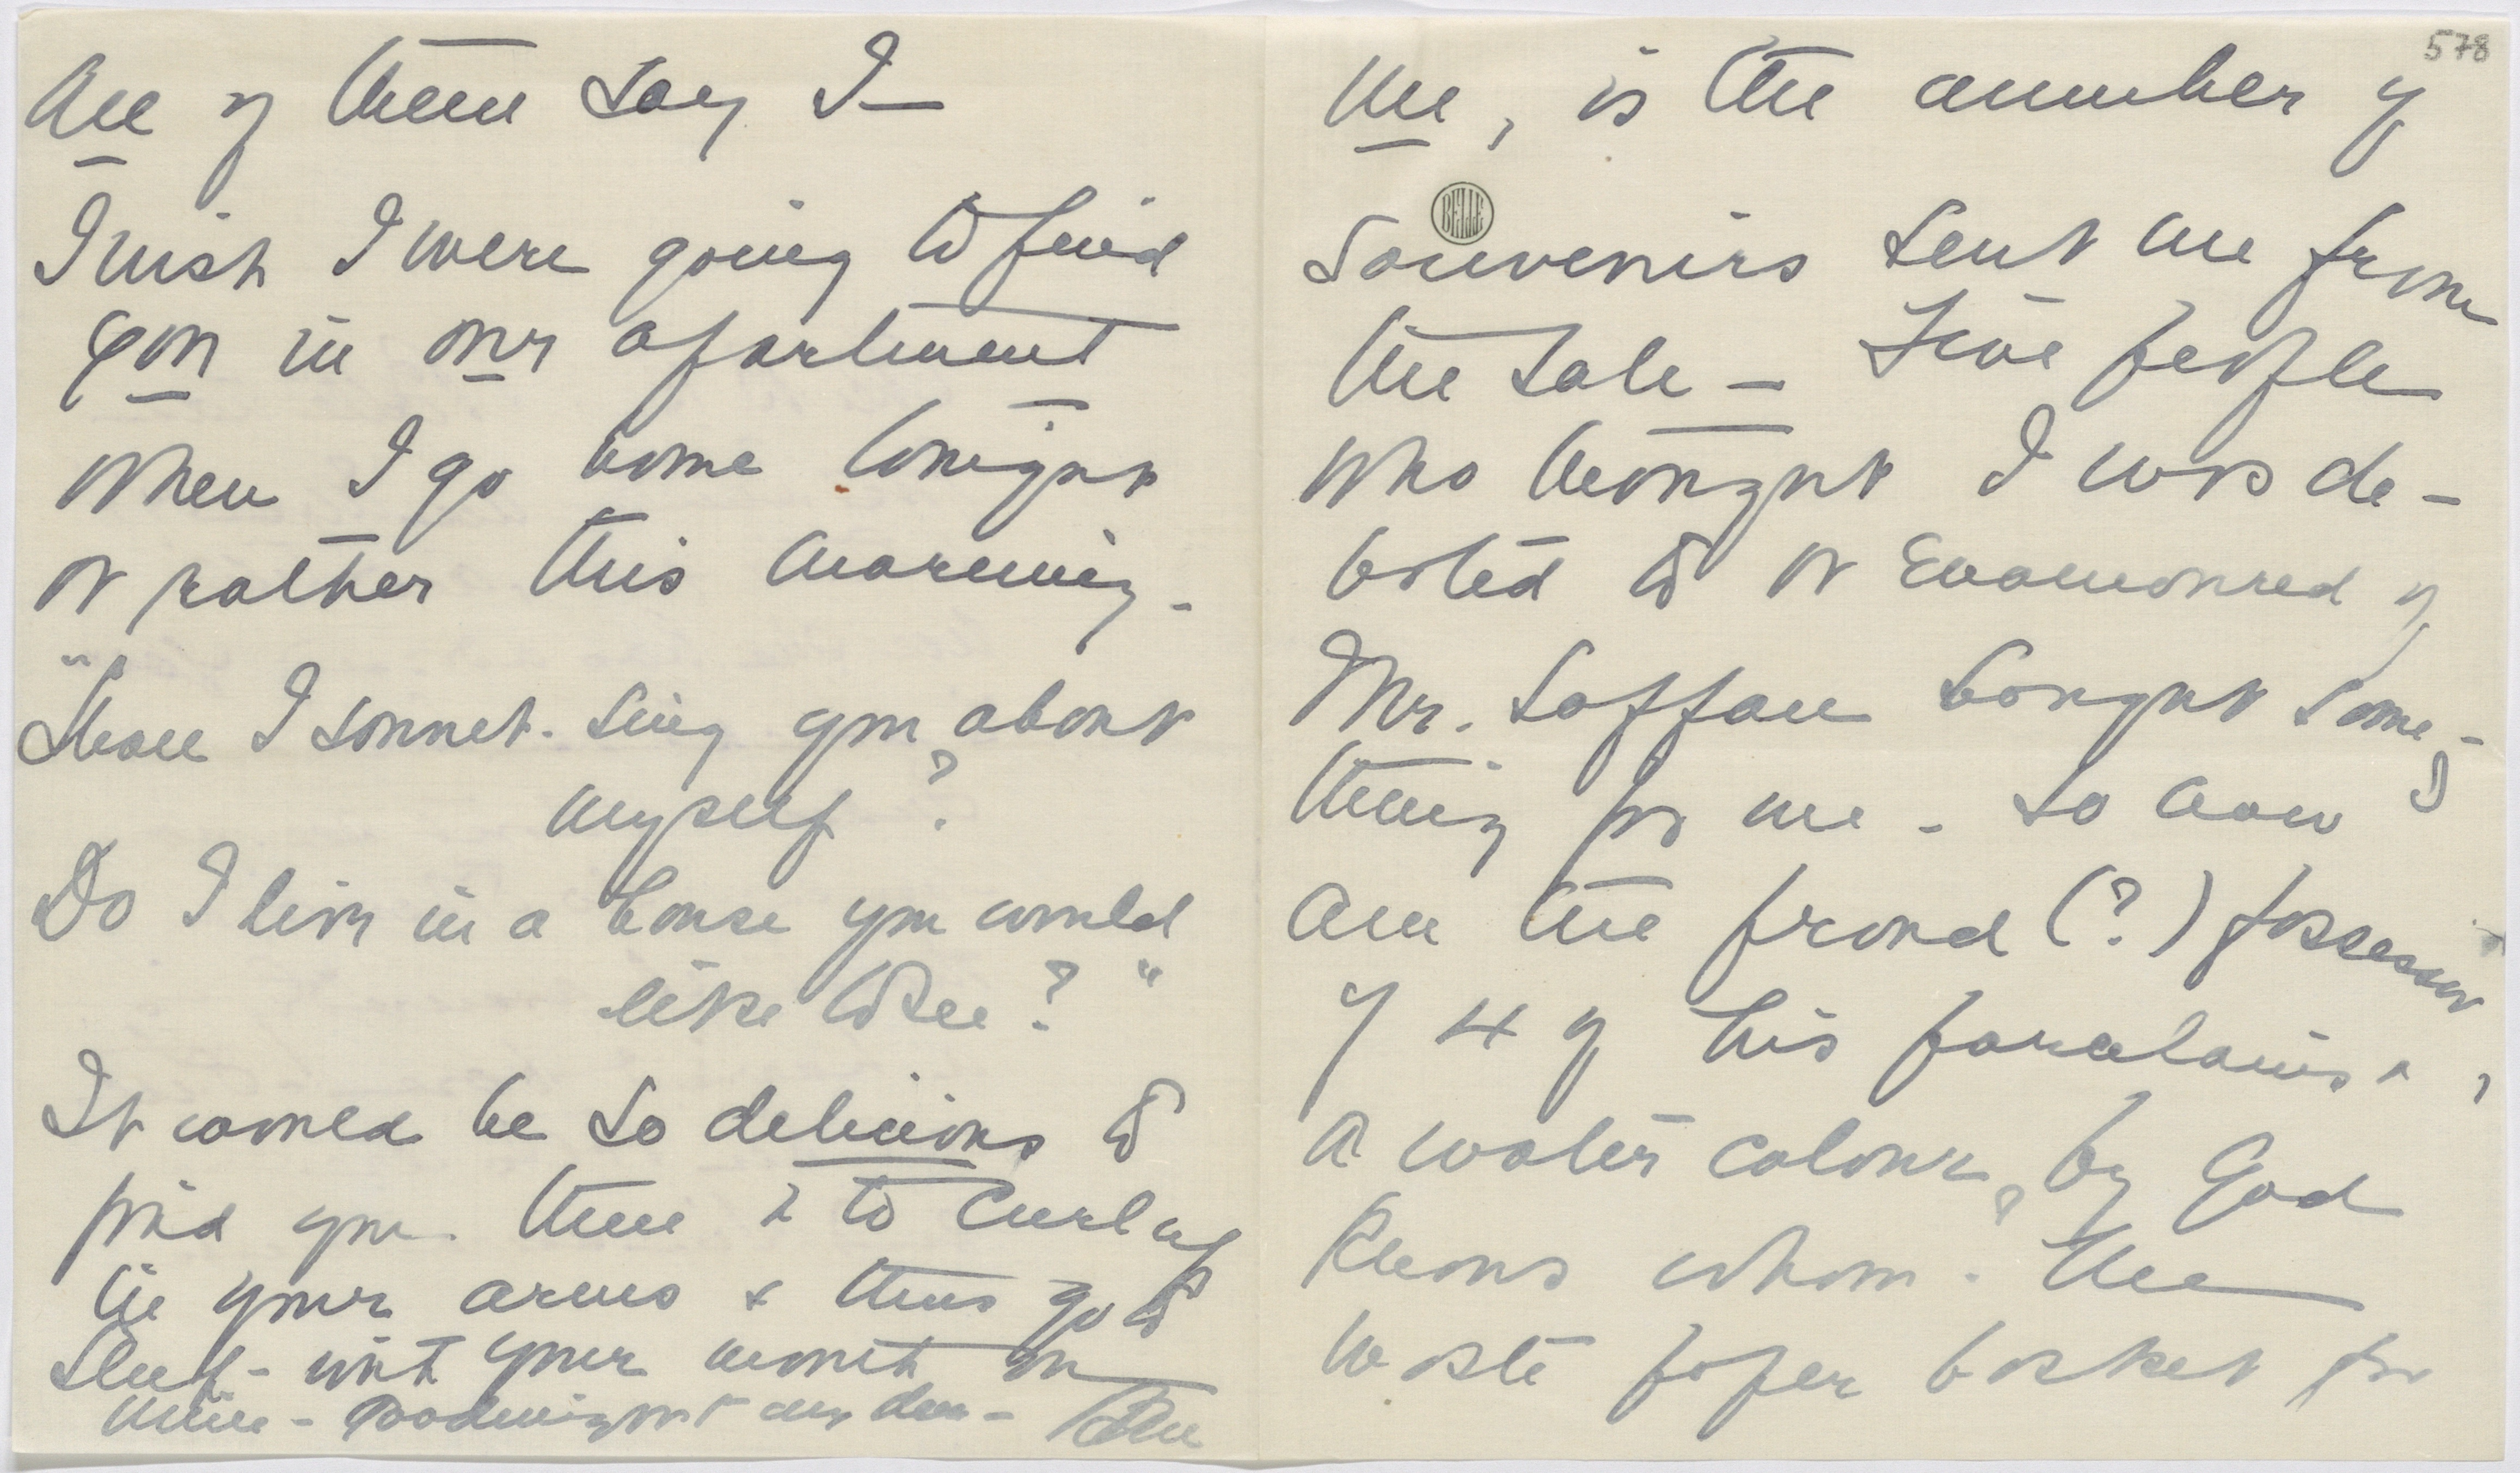me, is the number of souvenirs sent me from the sale – Five people who thought I was devoted to or enamoured of Mr. Laffan bought some thing for me – so now I am the proud (?) possessor of 4 of his porcelains & a water colour by God knows whom. The waste paper basket for
all of them say I –
I wish I were going to find you in our apartment when I go home tonight or rather this morning –
“Shall I sonnet-sing you about myself?
Do I live in a house you would like to see?”
It would be so delicious to find you there & to curl up in your arms & thus go to sleep – with your mouth on mine – Goodnight my dear – Belle